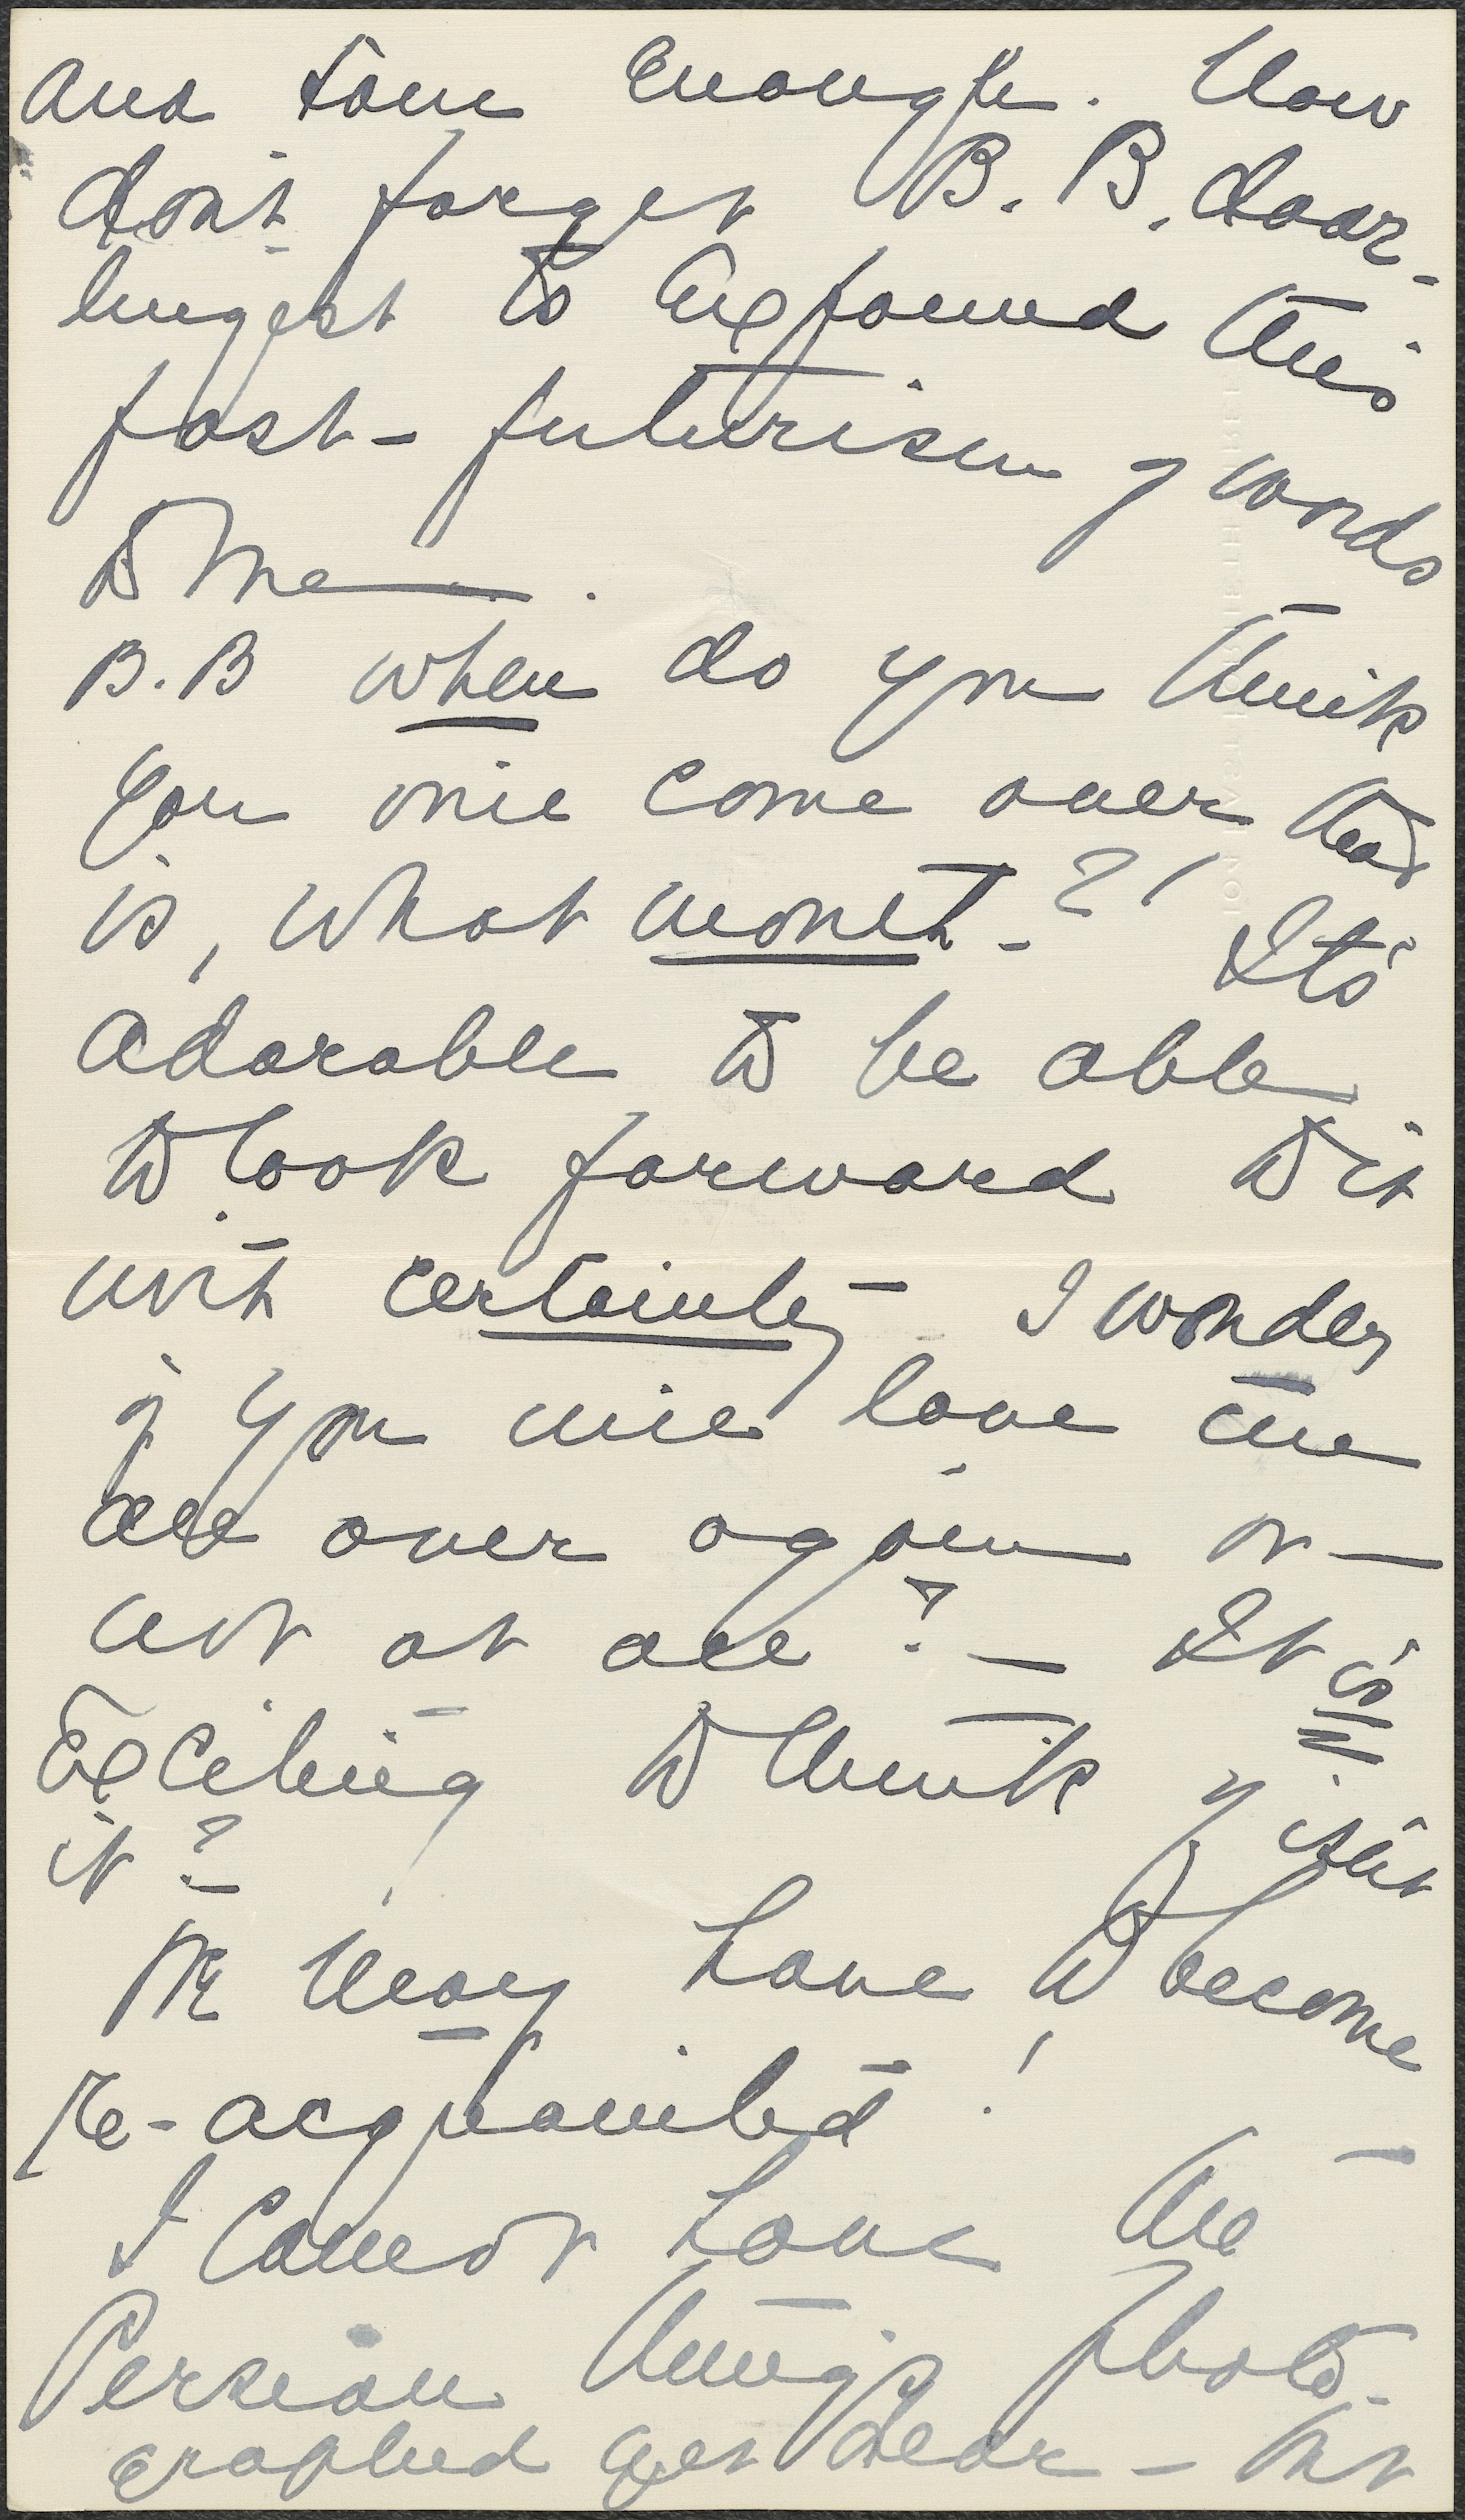and sane enough. Now don’t forget B. B. daarlingest to expand this past-futurism of words to me.
B. B. when do you think you will come over that is, what month? It’s adorable to be able to look forward to it with certainty – I wonder if you will love me all over again or – not at all? – It [triple underlined: is] exciting to think of isn’t it?
We may have to become re-acquainted!
I cannot have the Persian things photographed yet dear – but